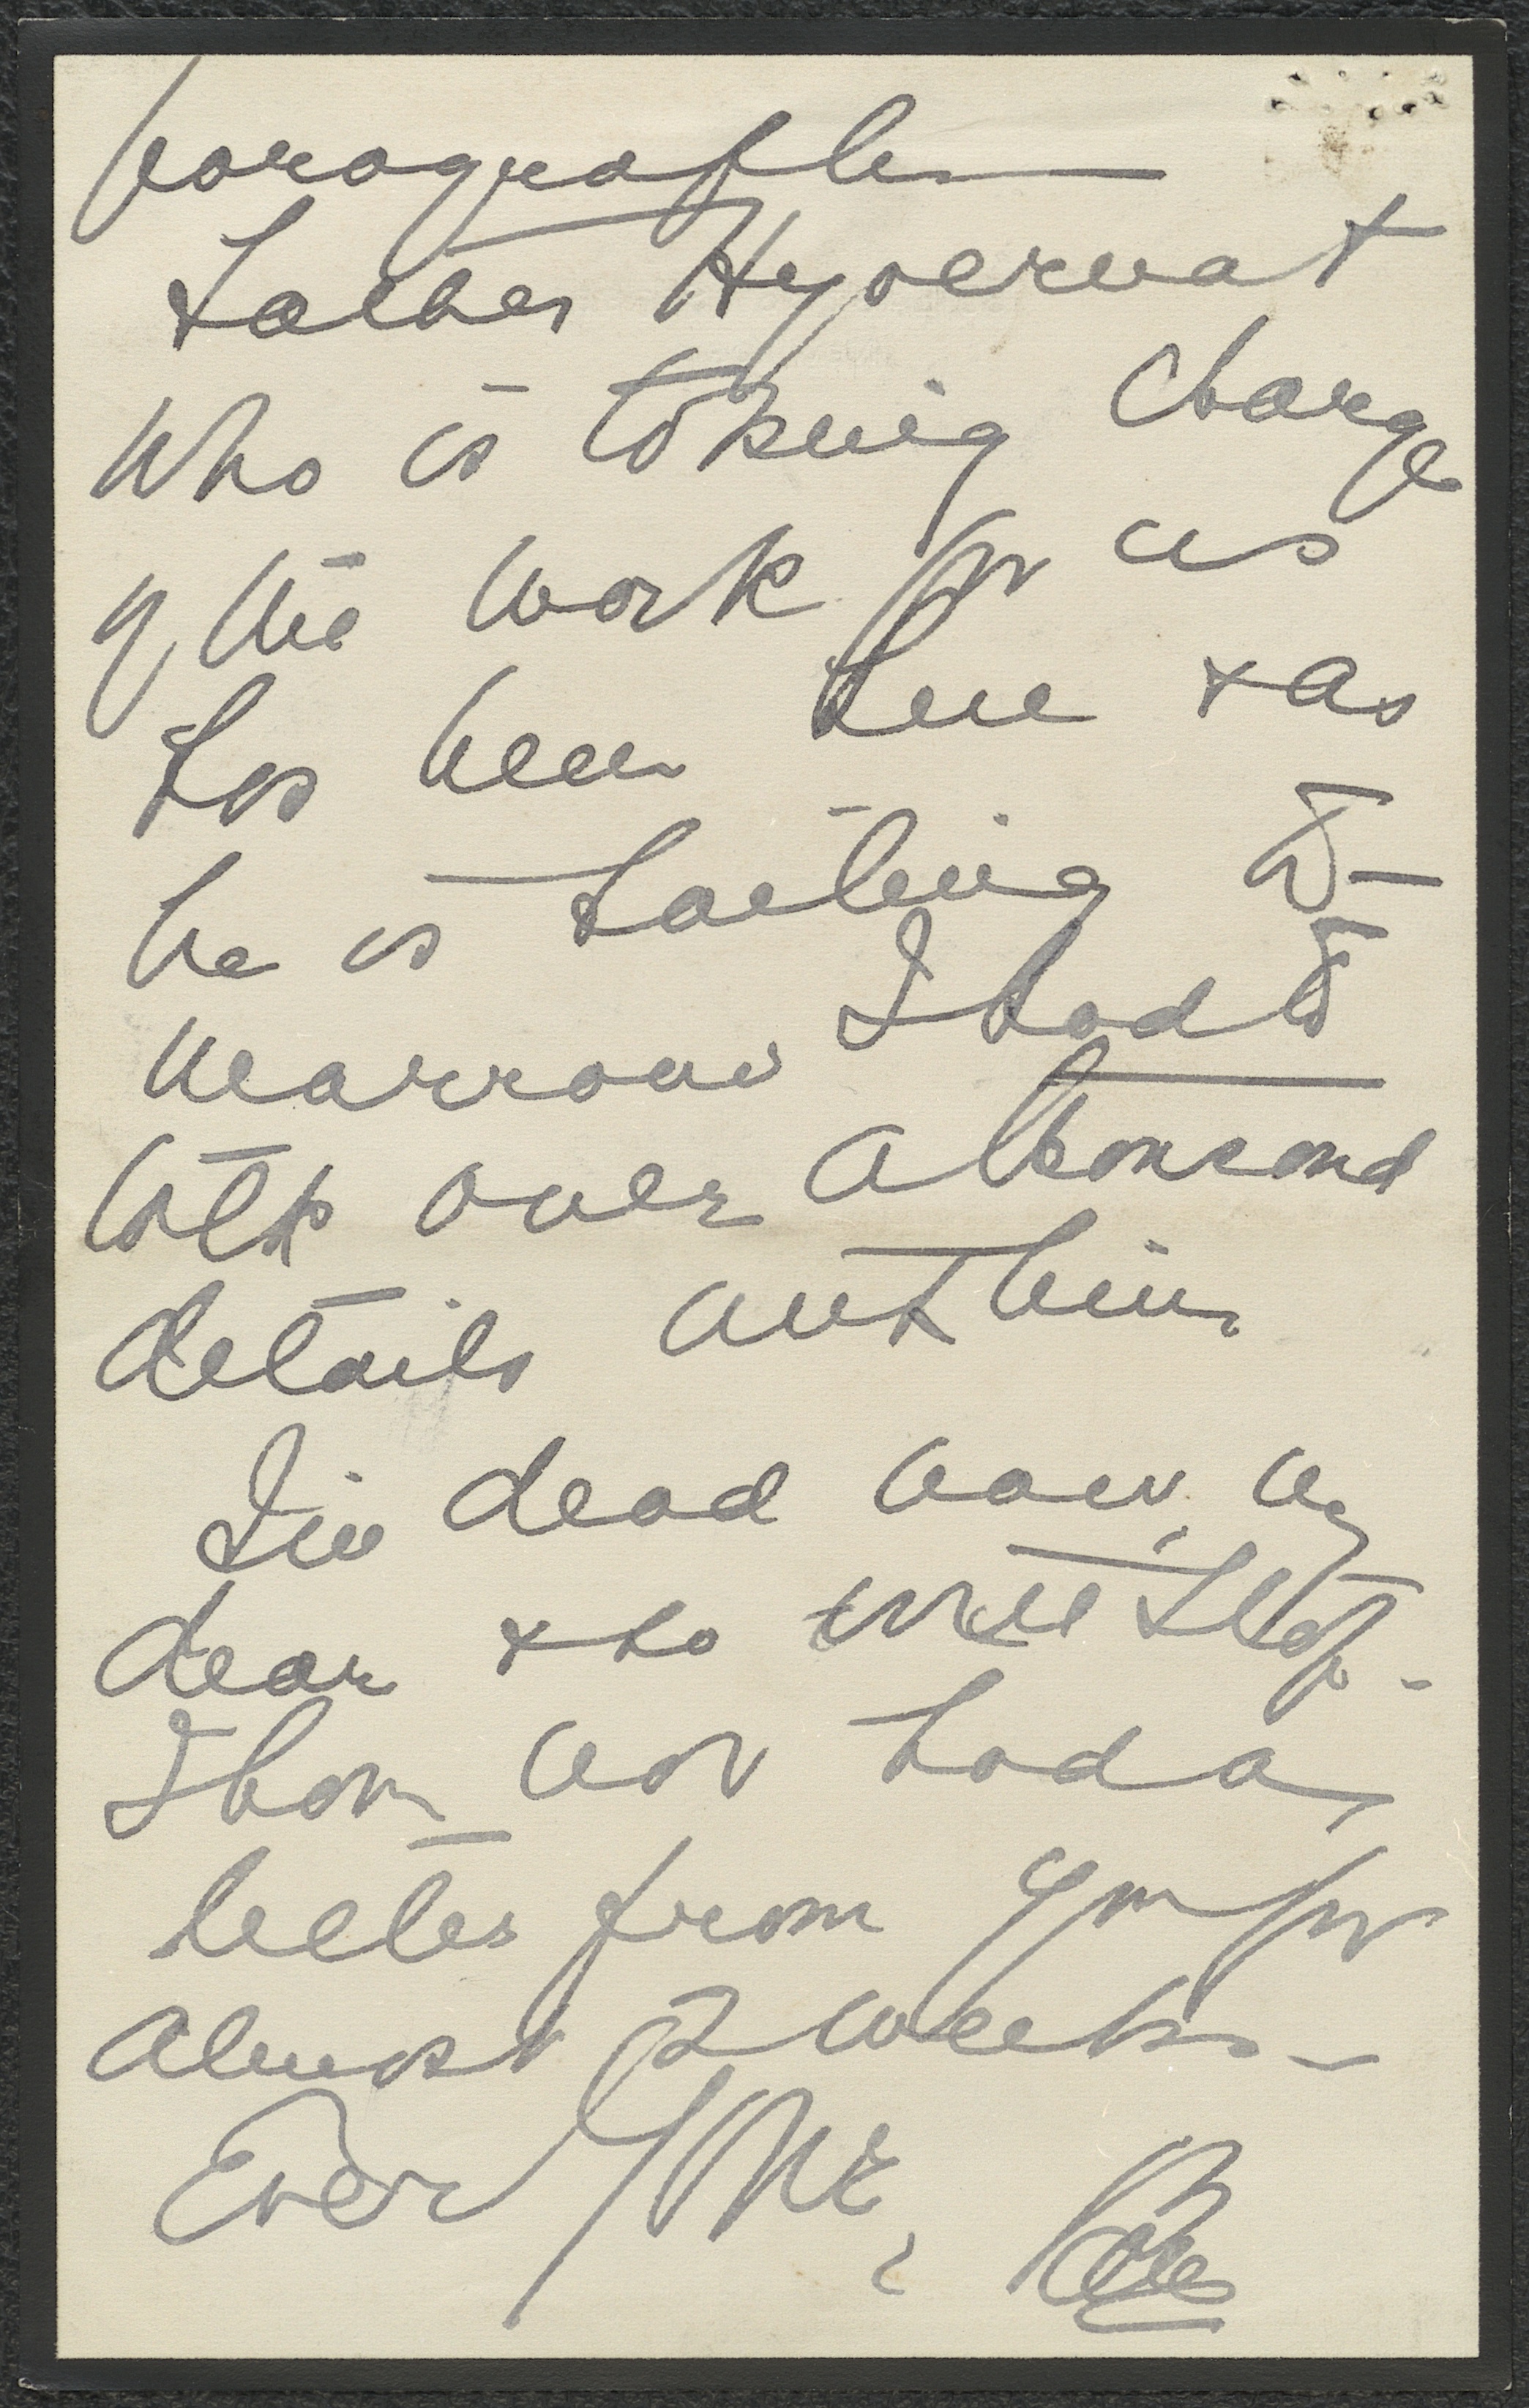paragraphs –
Father Hyvernat who is taking charge of the work for us has been here & as he is sailing tomorrow I had to talk over a thousand details with him
I’m dead now, my dear & so will stop –I have not had a letter from you for almost 2 weeks –
Every Your,
Belle